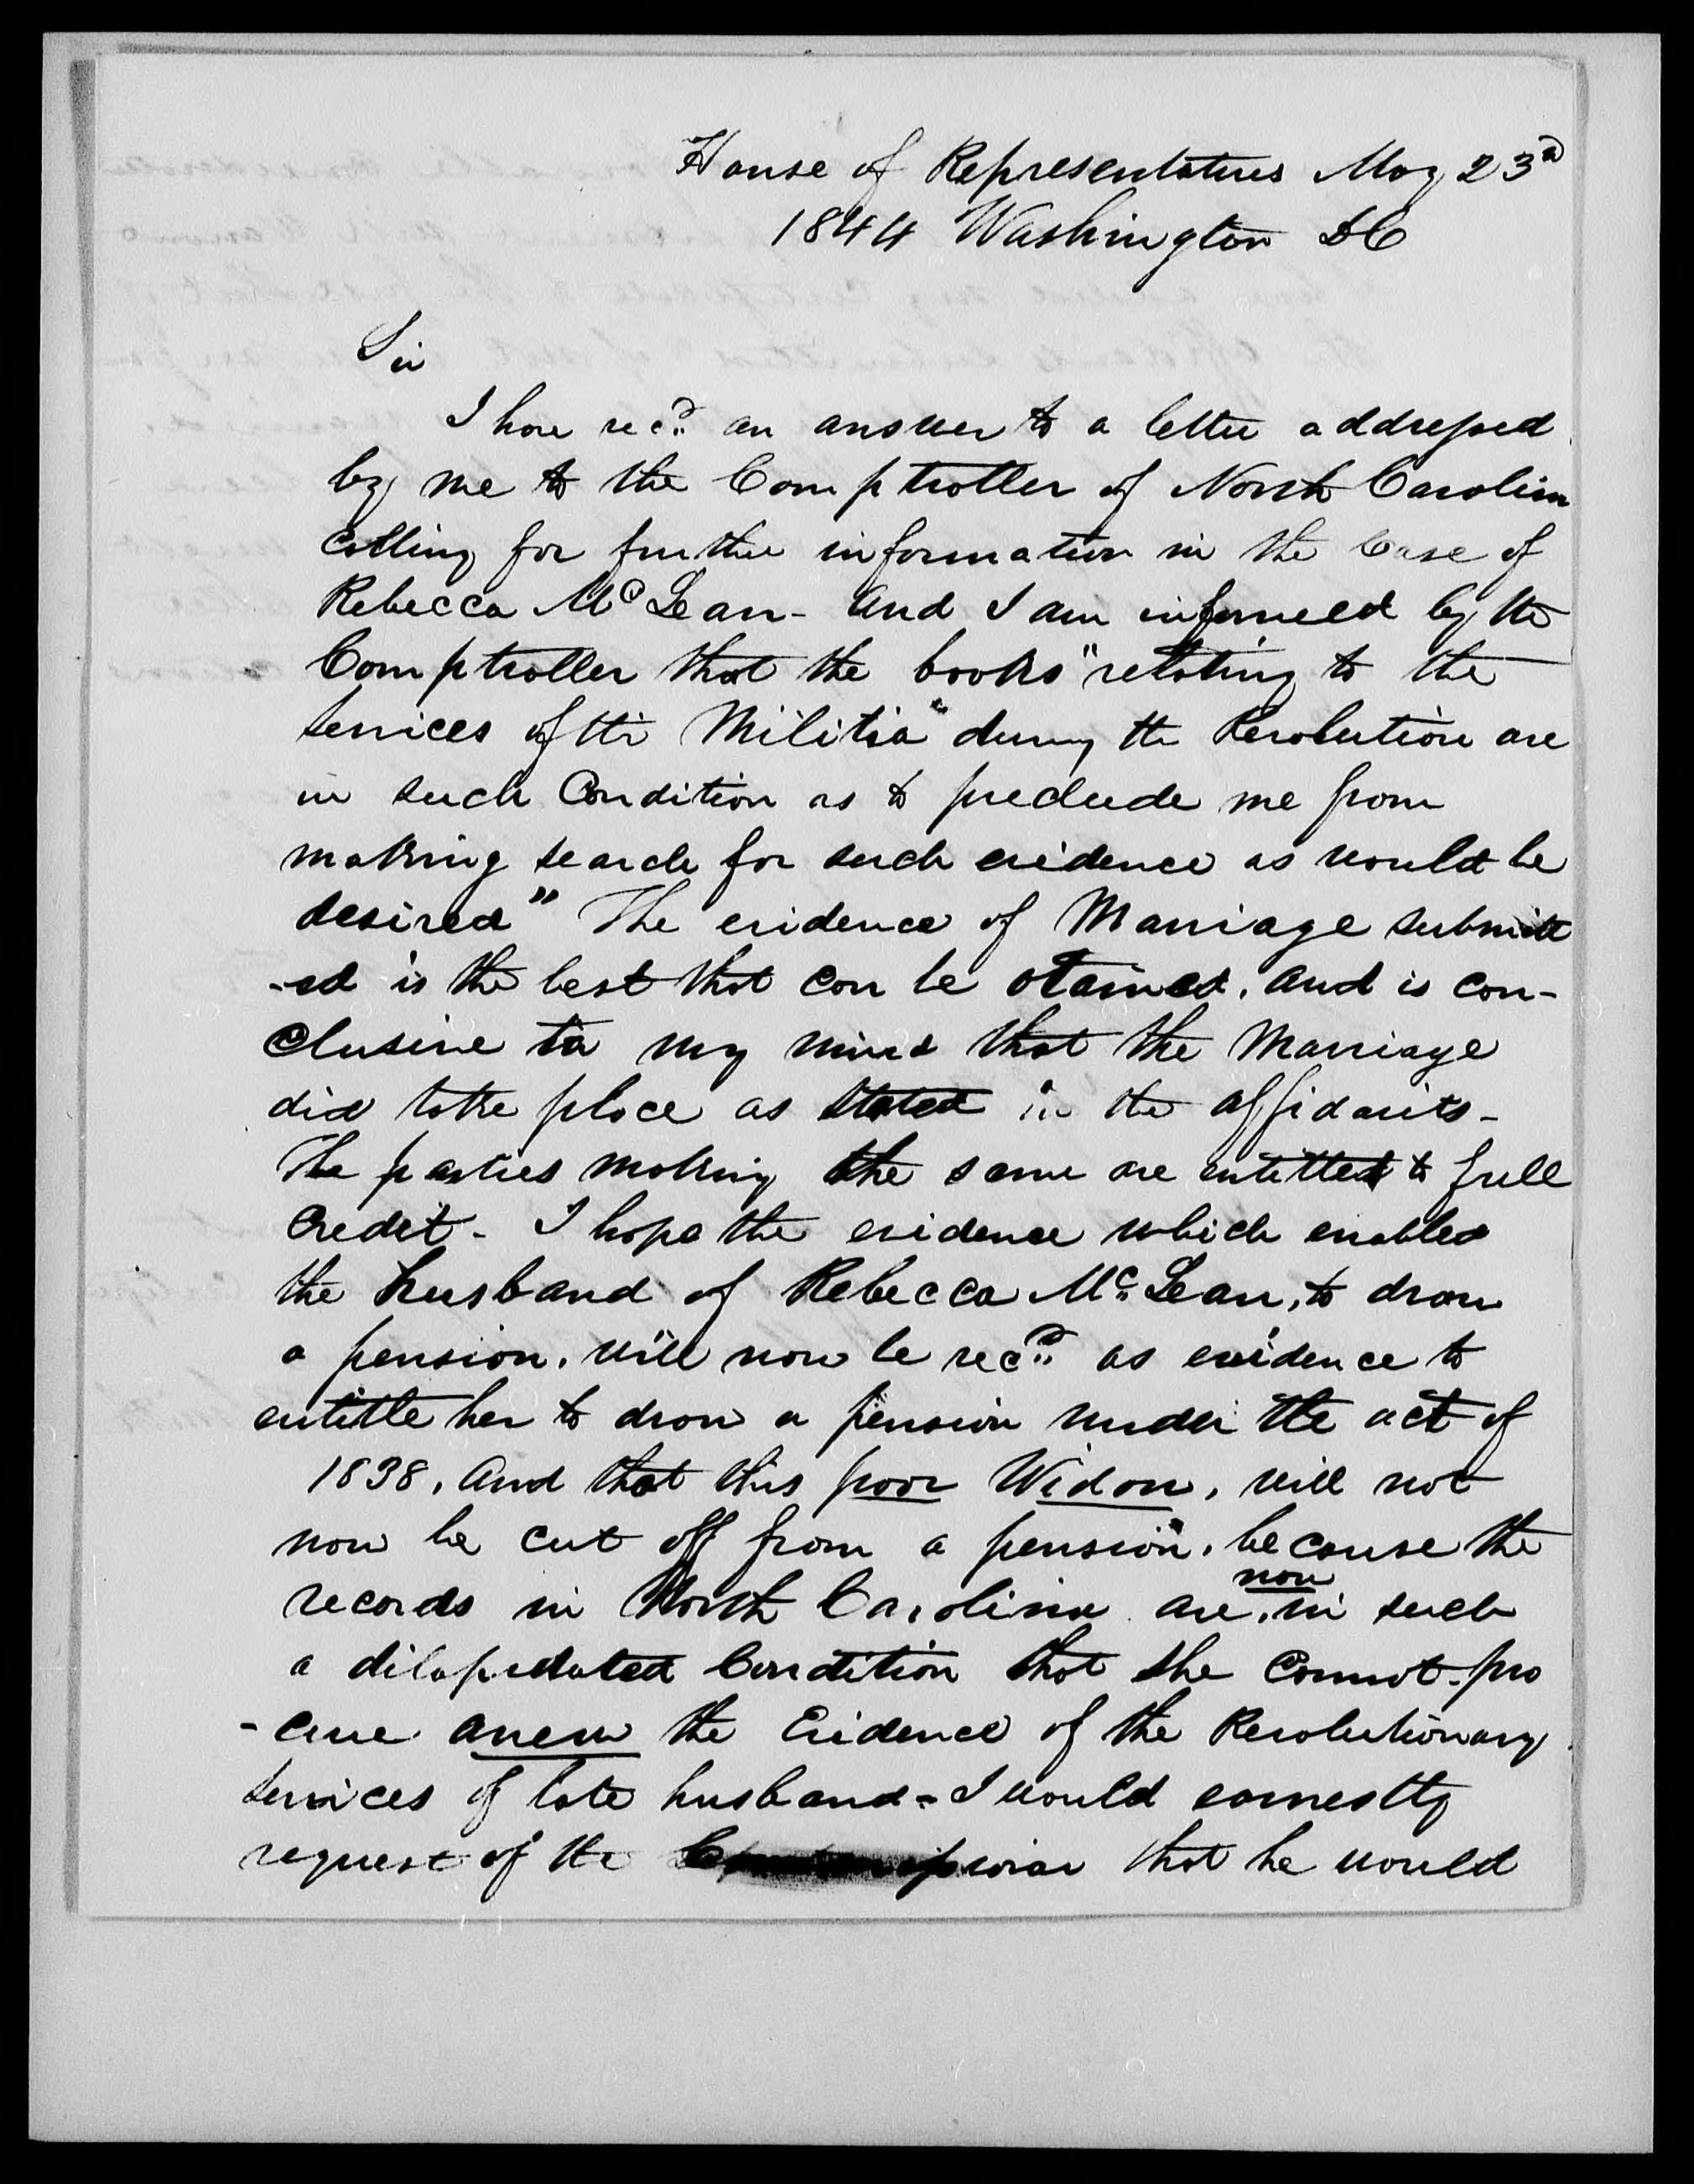House of Representatives May 23d 
1844 Washington DC I

Sir
I have recd [received] an answer to a letter addressed by me to the Comptroller of North Carolina calling for further information in the case of Rebecca McLean - and I am informed by the Comptroller that the books "relating to the services of the Militia during the Revolution are in such condition as to preclude me from making search for such evidence as would be desired.” The evidence of Marriage Submitted is the best that can be obtained, and is conclusive to my mind that the Marriage did take place as stated in the affidavits - The parties making the same are entitled to full Credit. I hope the evidence which enables the husband of Rebecca McLean [sic], to draw a pension, will now be recd [received] as evidence to entitle her to draw a pension under the act of 1838, and that this poor Widow, will not now be cut off from a pension, because the records in North Carolina are now in such a dilapidated condition that she cannot procure and the Evidence of the Revolutionary services of late husband, I would earnestly request of the opinion that he would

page: 34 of 67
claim: widow's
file: W. 21793, for George Mc Lain, North Carolina